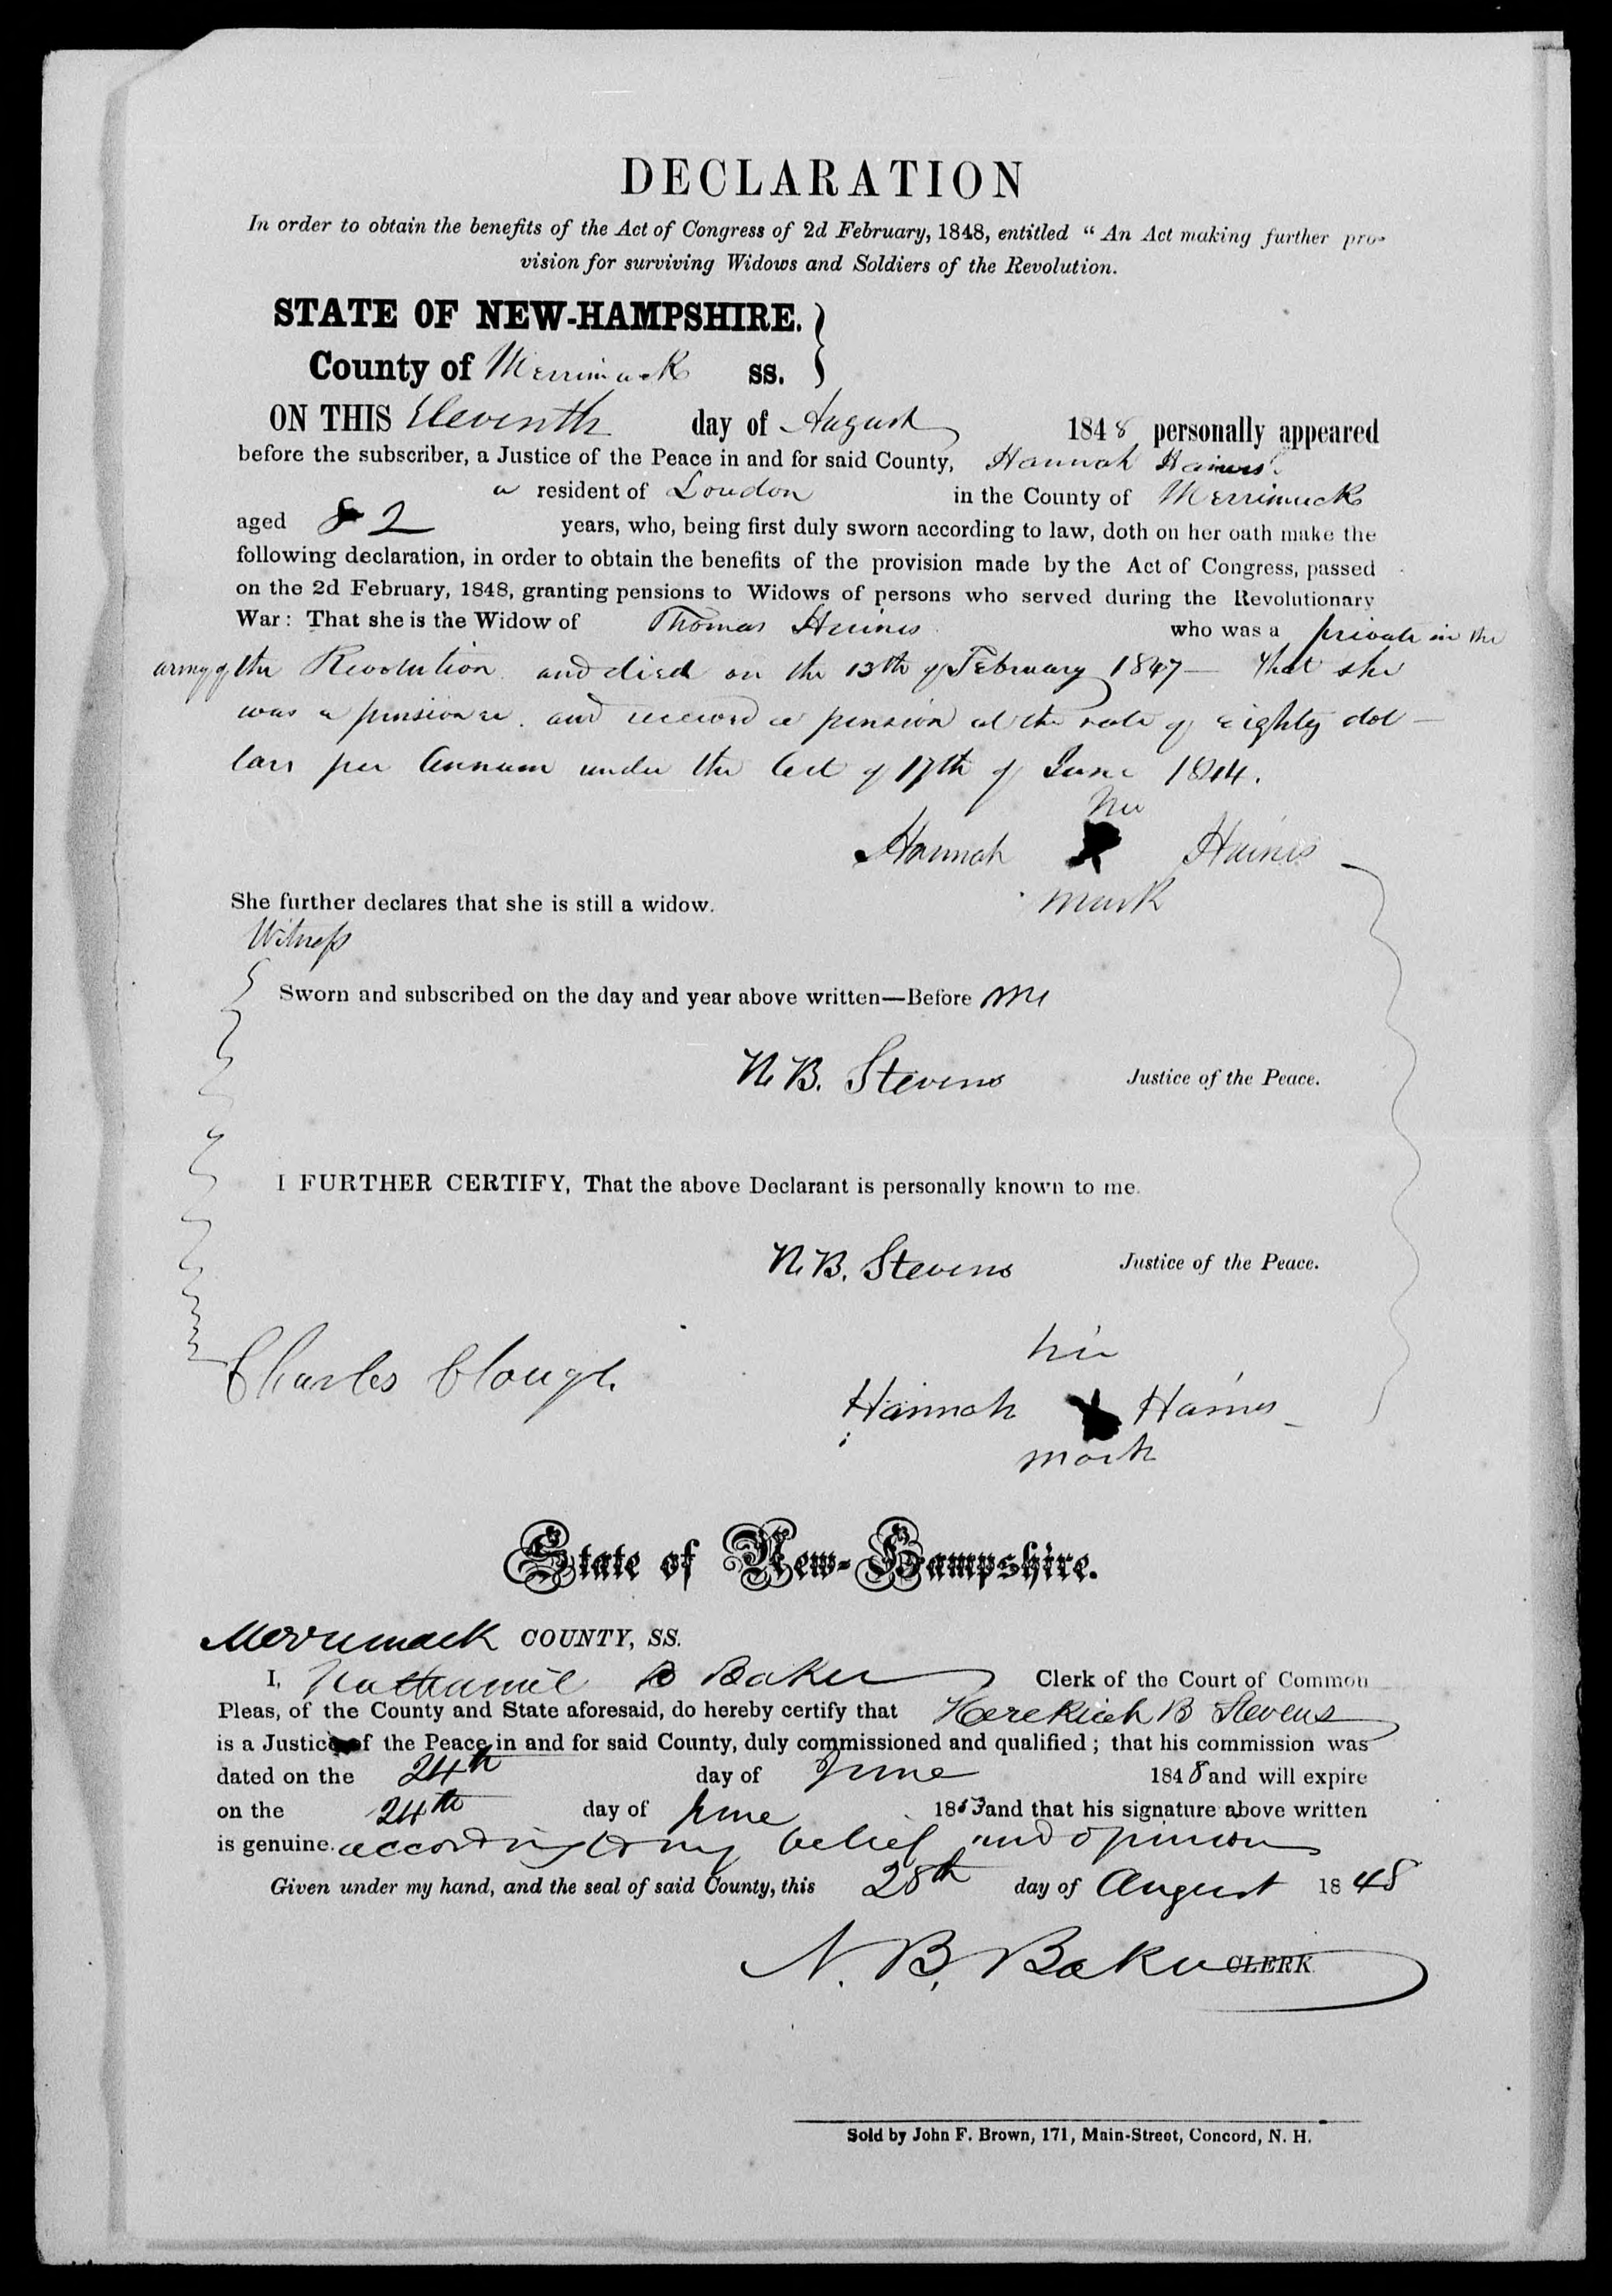DECLARATION
In order to obtain the benefits of the Act of Congress of 2d February, 1848, entitled “An Act making further provision for surviving Widows and Soldiers of the Revolution.

STATE OF NEW-HAMPSHIRE.
County of Merrimack SS.              }

ON THIS Eleventh day of August, 1848, personally appeared before the subscriber, a Justice of the Peace in and for said County, Hannah Haines, a resident of Loudon in the County of Merrimack, aged 82 years, who, being first duly sworn according to law, doth on her oath make the following declaration, in order to obtain the benefits of the provision made by the Act of Congress, passed on the 2d February, 1848, granting pensions to Widows of persons who served during the Revolutionary War: That she is the Widow of Thomas Haines who was a private in the army of the Revolution and died on the 12th of February 1847– that she was a pensioner and received a pension at the rate of eighty dollars per annum under the Act of 17th of June 1844.

Hannah. Her Mark X  Haines
She further declares that she is still a widow.
Witness
Sworn and subscribed on the day and year above written- Before me
N.B. Stevens.  Justice of the Peace.

I FURTHER CERTIFY, That the above Declarante is personally known to me. 
N.B. Stevens.  Justice of the Peace

Charles Clough. Hannah her mark X Haines

State of New-Hampshire.
Merrimack COUNTY, SS
I, Nathaniel B Baker Clerk of the Court of Common Pleas, of the County and State aforesaid, do hereby certify that Nezekiah B Stevens is a Justice of the Peace in and for said County, duly commissioned and qualified; that his commission was dated on the 24th day of June 1848 and will expire on the 24th day of June 1853 and that his signature above written is genuine according to my belief and opinion.
Given under my hand, and the seal of said County this 28th day of August 1849
N. B. Baker CLERK
————————————————-
Sold by John F. Brown, 171, Main-street, Concord, N.H.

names: H B Stevens, N B Baker, John F Brown, Hezekiah B Stevens, H B Stevens, Nathaniel B Baker, Hannah Haines, Hannah Haines, Hannah Haines, Thomas Haines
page: 47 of 57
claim: widow's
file: W. 23217, Thomas Haines, N H